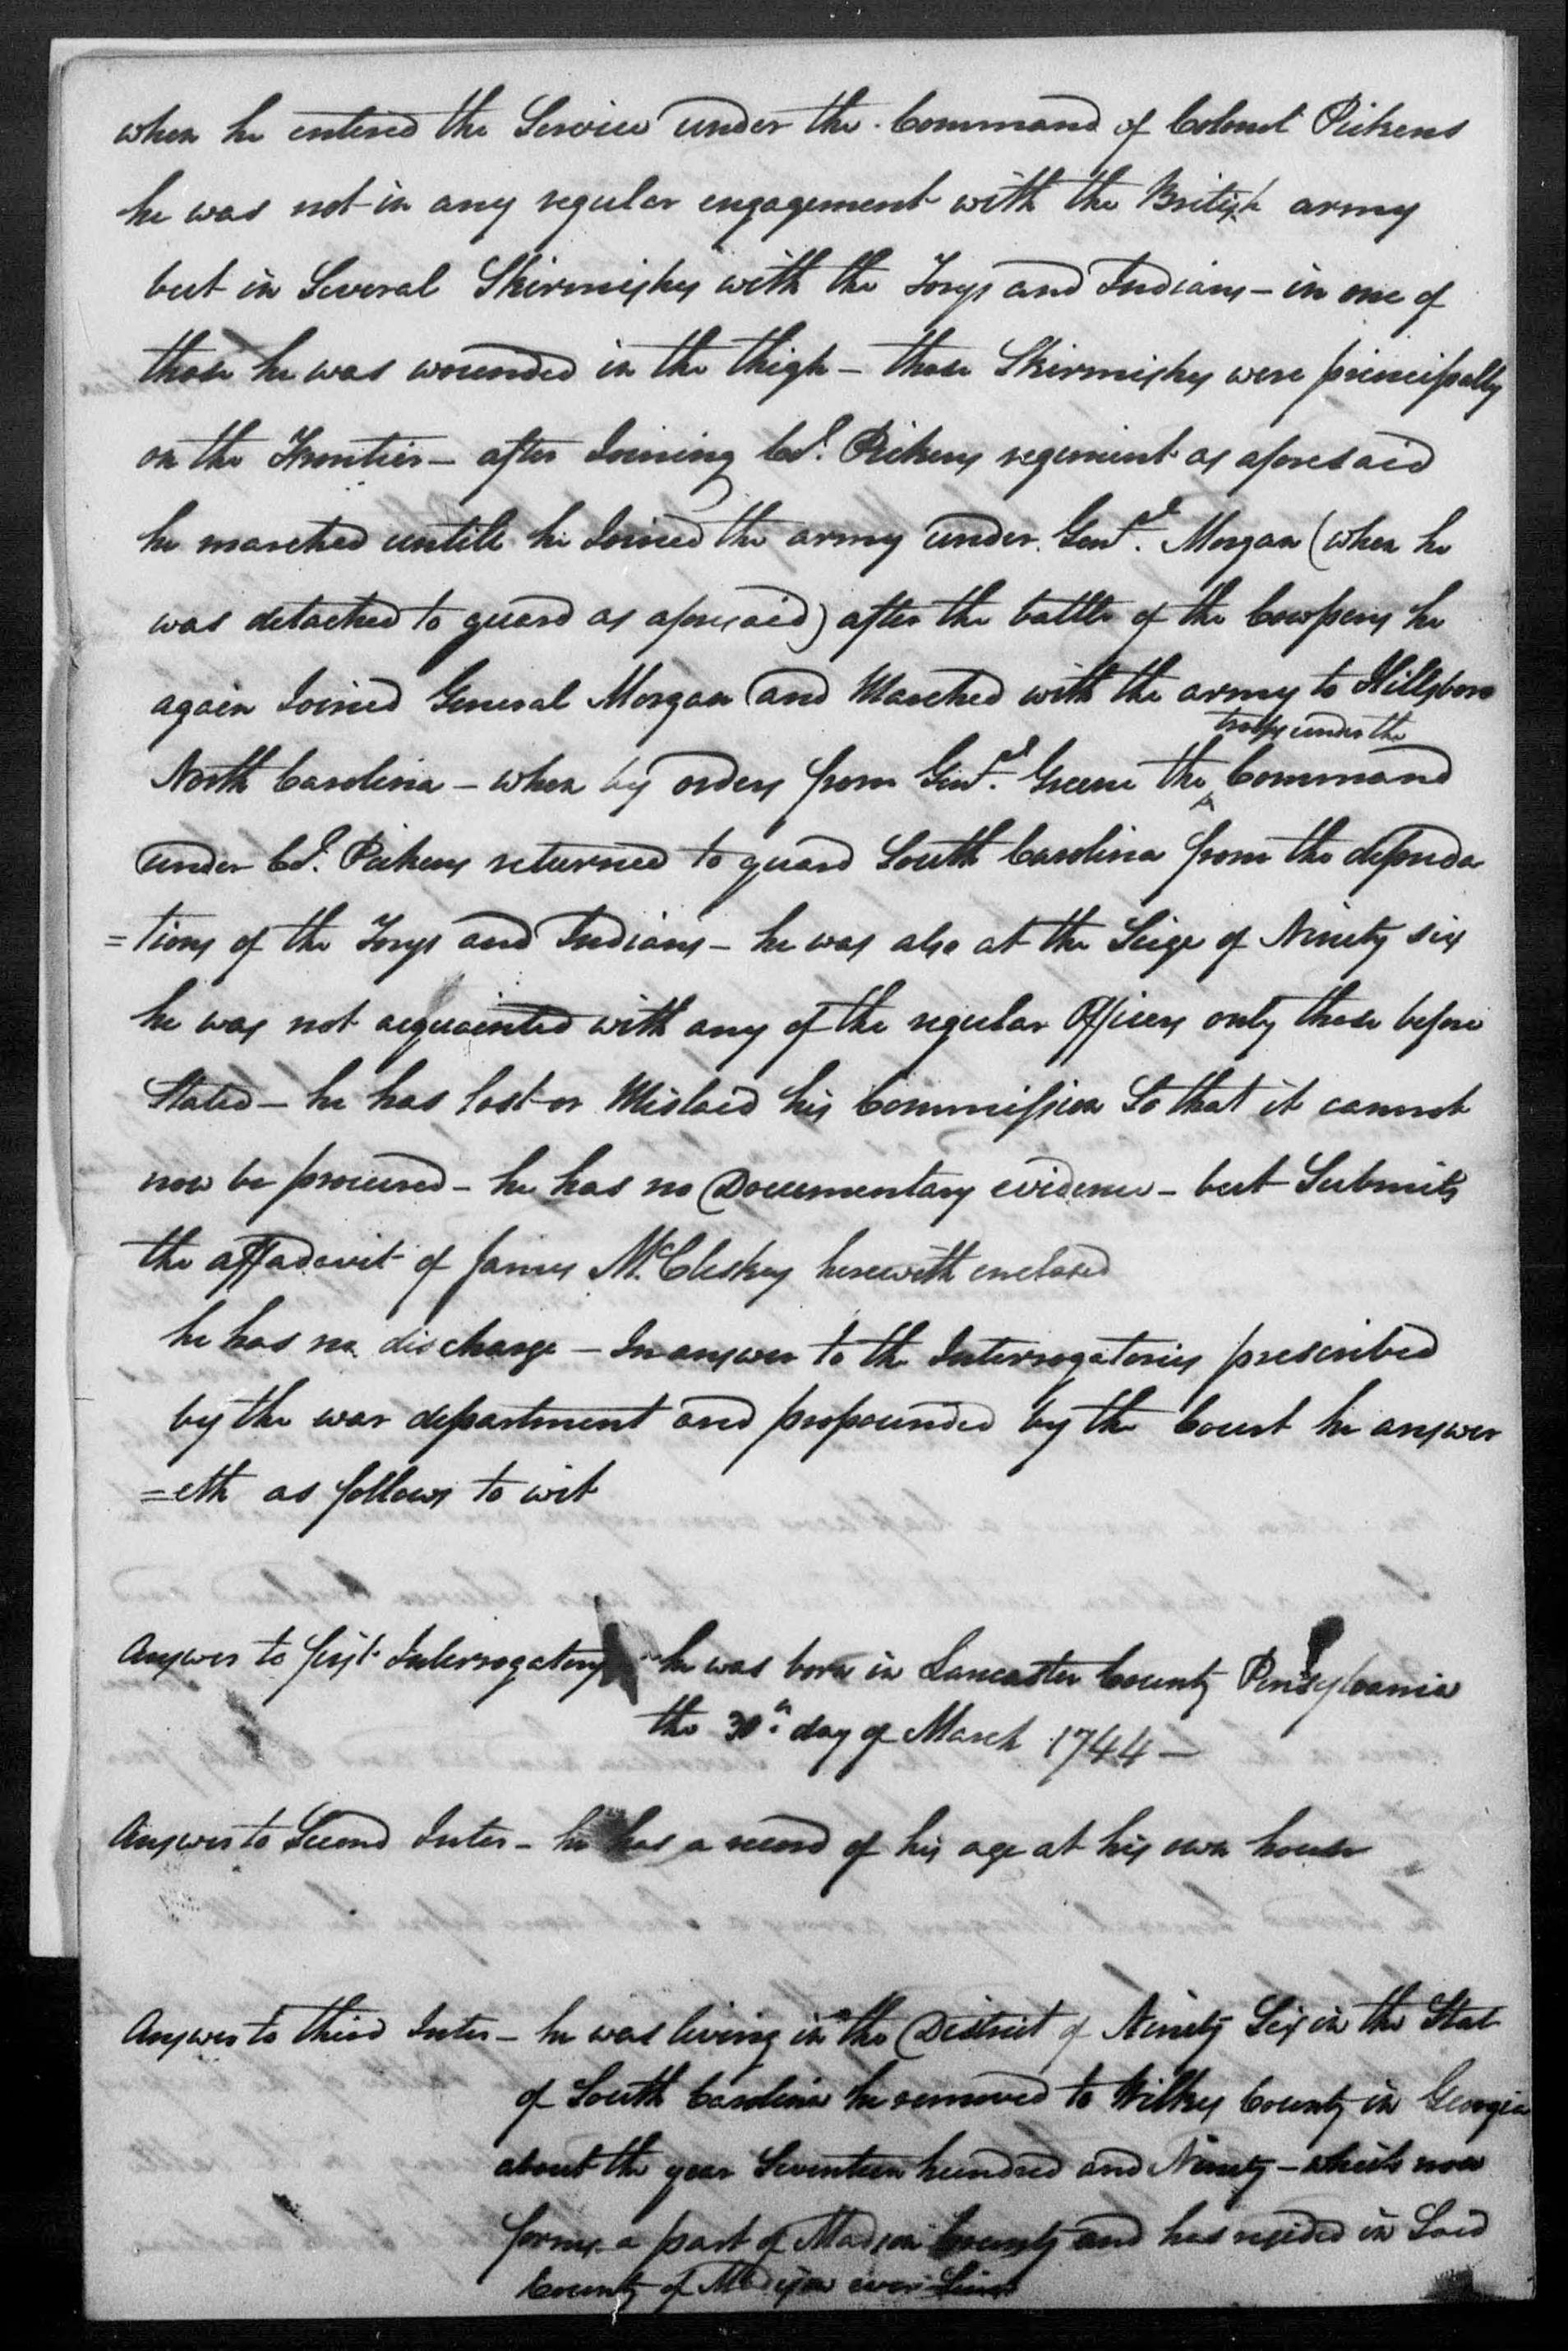when he entered the service under the command of Colonel Pickens
he was not in any regular engagement with the British army
but in Several Skirmishes with the Torys and Indians in one of
that he was wounded in the thigh. These Skirmish were principally
on the Frontier after joining Col Pickens regiment as aforesaid
he marched until he joined the army under Gen. Morgan (when he
was detached to guard as aforesaid) after the battle of the Cowpens he
again Joined General Morgan and Marched with the army to Hillsboro
North Carolina when by orders from Genl Green the command
under C. Pickens returned to guard South Carolina from the defend
tions of the Torys and Indians - he was also at the Seige of Ninety six
he was not acquainted with any of the regular officers only those before
Stated - he has lost or mislaid his commission to that it cannot
now be processed - he has no Documentary evidence, but submits
the affidavit of James McCloskey herewith enclosed
he has in discharge - In answer to the Interrogatories prescribed
by the war department and propounded by the Court he answereth 
as follows to wit
answer to first Interrogating he was born in Lancaster County Pennsylvania
the 30th day of March 1744
answer to Second Inter he has a record of his age at his own house
Answers to third inter - 
was living in the District of Ninety Six in the State of
South Carolina he removed to Wilkes County in Georgia
about the year Seventeen hundred and Ninety
form a part of Madson County and his resided in said county of Modson ever since.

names: Morgan, James Mc Cleskey, Pickens, Morgan, Green, Pickens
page: 4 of 33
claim: widow's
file: W. 23779, Robert Carithers, S.C.